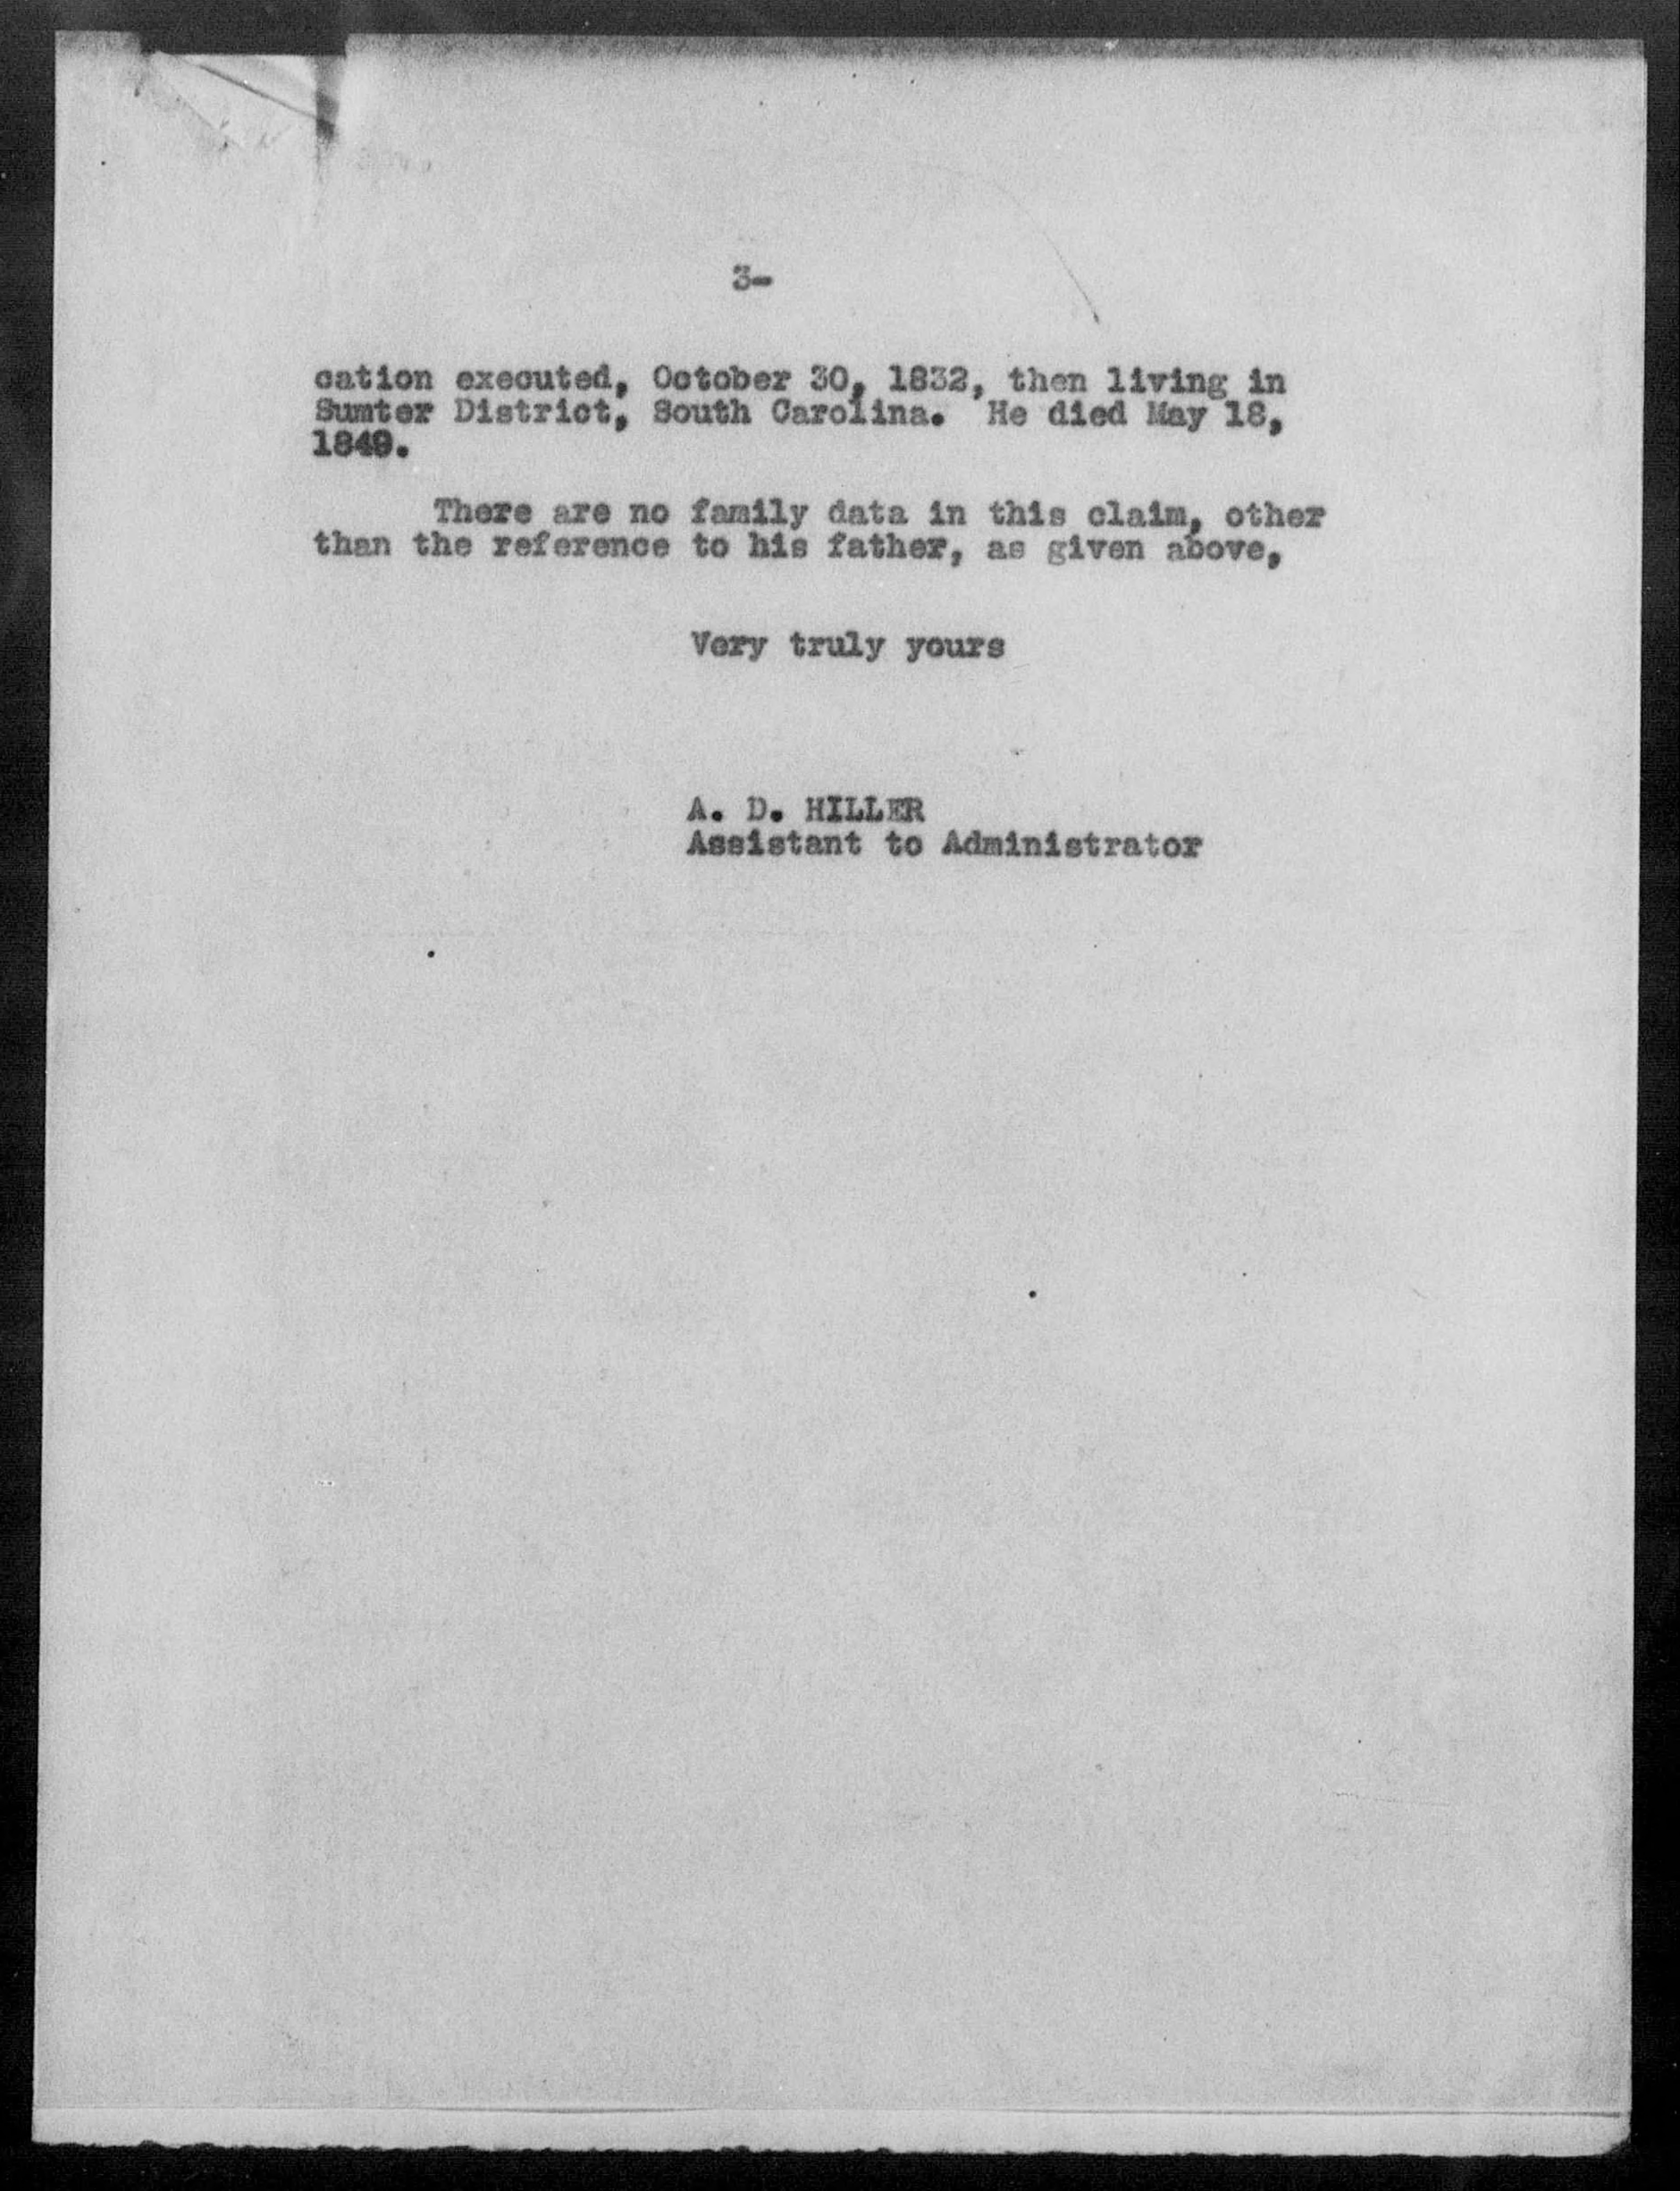3-

cation executed, October 20, 1832, then living in
Sumter District, South Carolina. He died May 18,
1849.
There are no family data in this claim, other
than the reference to his father, as given above,
Very truly yours
A. D. HILLER
Assistant to Administrator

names: A D Hiller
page: 26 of 26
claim: survivor's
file: S. 21105, Greenbery Caps, S.C.